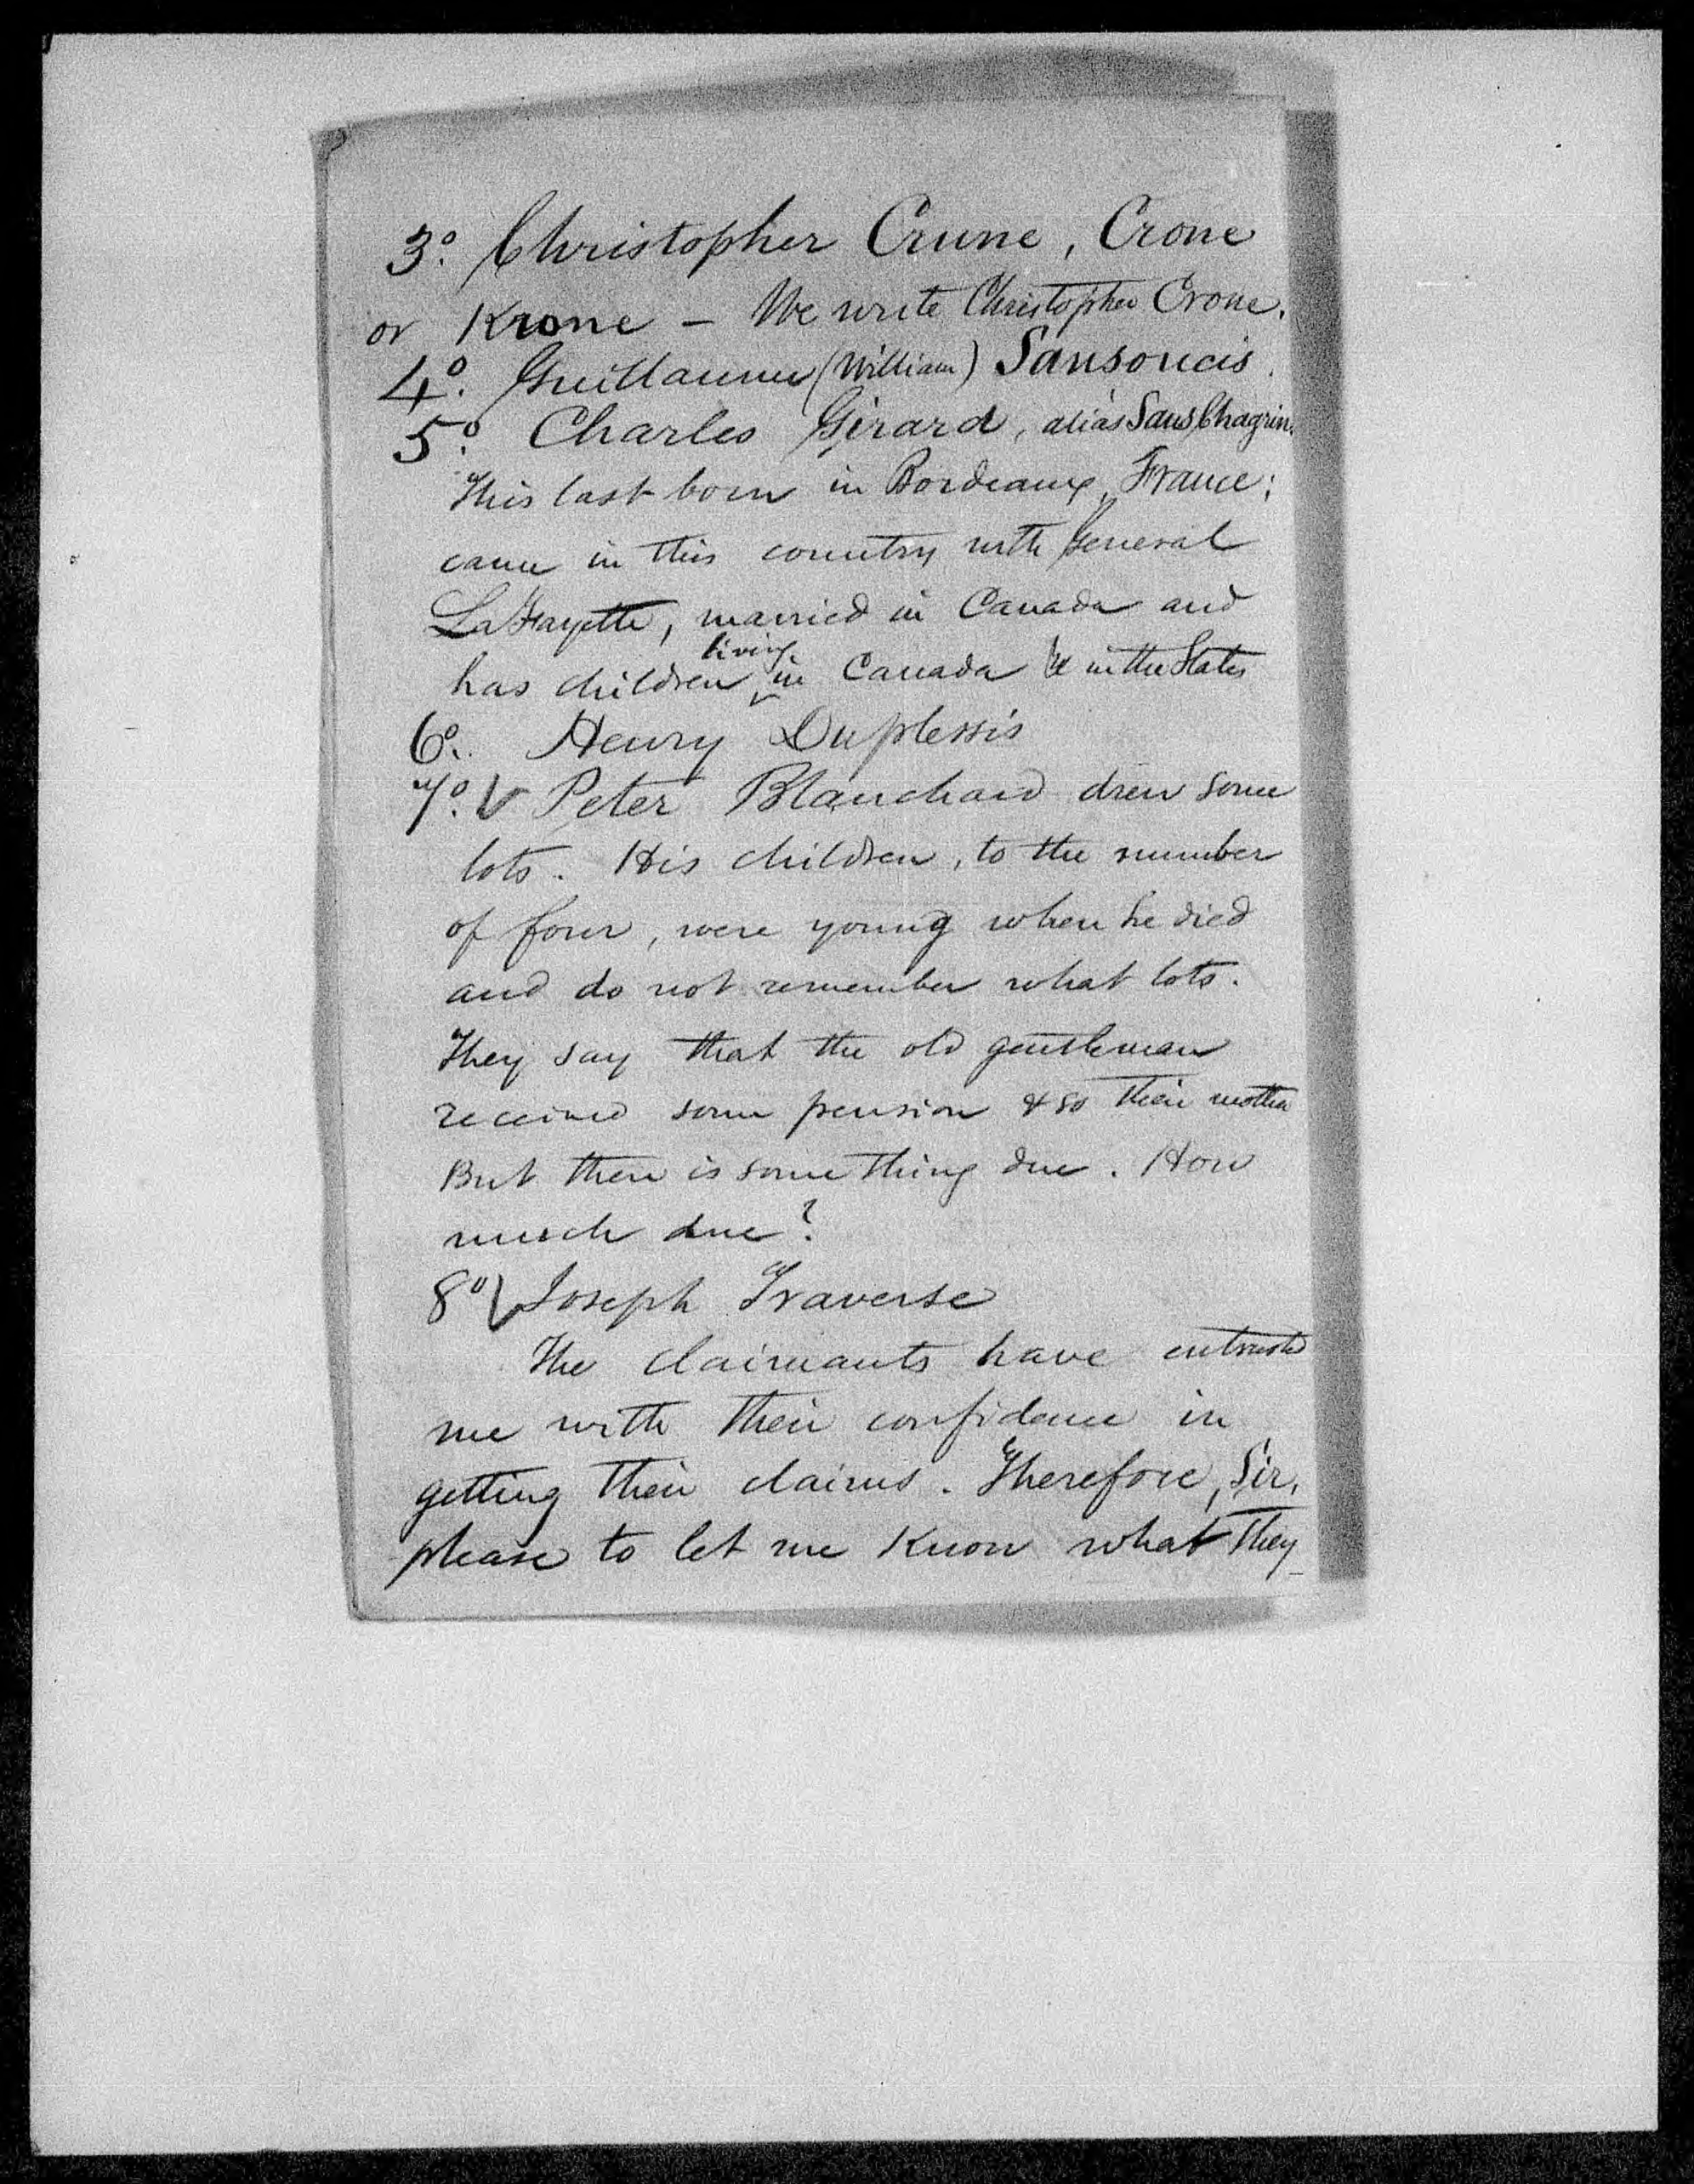3o. Christopher Crune, Crone or Krone - We write Christopher Crone.
4o Guillaume William) Sansoricis
5o. Charles Girard, alias Saus Chagrin This last born in Bordeaux, France; came in this country with General LaFayette, married in Canada and has children living in Canada & in the States
6o. Henry Duplessis
7o V Peter Blanchard drew some lots. His children, to the number of four, were young when he died and do not remember what lots. They say that the old gentleman received some pension & so their mother. But there is something due. How much due?
8o.V Joseph Traverse
The Claimants have entrusted me with their confidence in getting their claims. Therefore, Sir, please to let me know what they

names: Christopher Krone, Henry Duplessis, La Fayette, Christopher Crune, Christopher Crone, Guillaume Sansoucis, Charles Sans Chagrin, Peter Blanchard, William Sansoucis, Charles Girard, Joseph Traverse, Christopher Crone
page: 31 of 98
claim: widow's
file: W. 21182, Francis Gigo, Continental (Canadian)